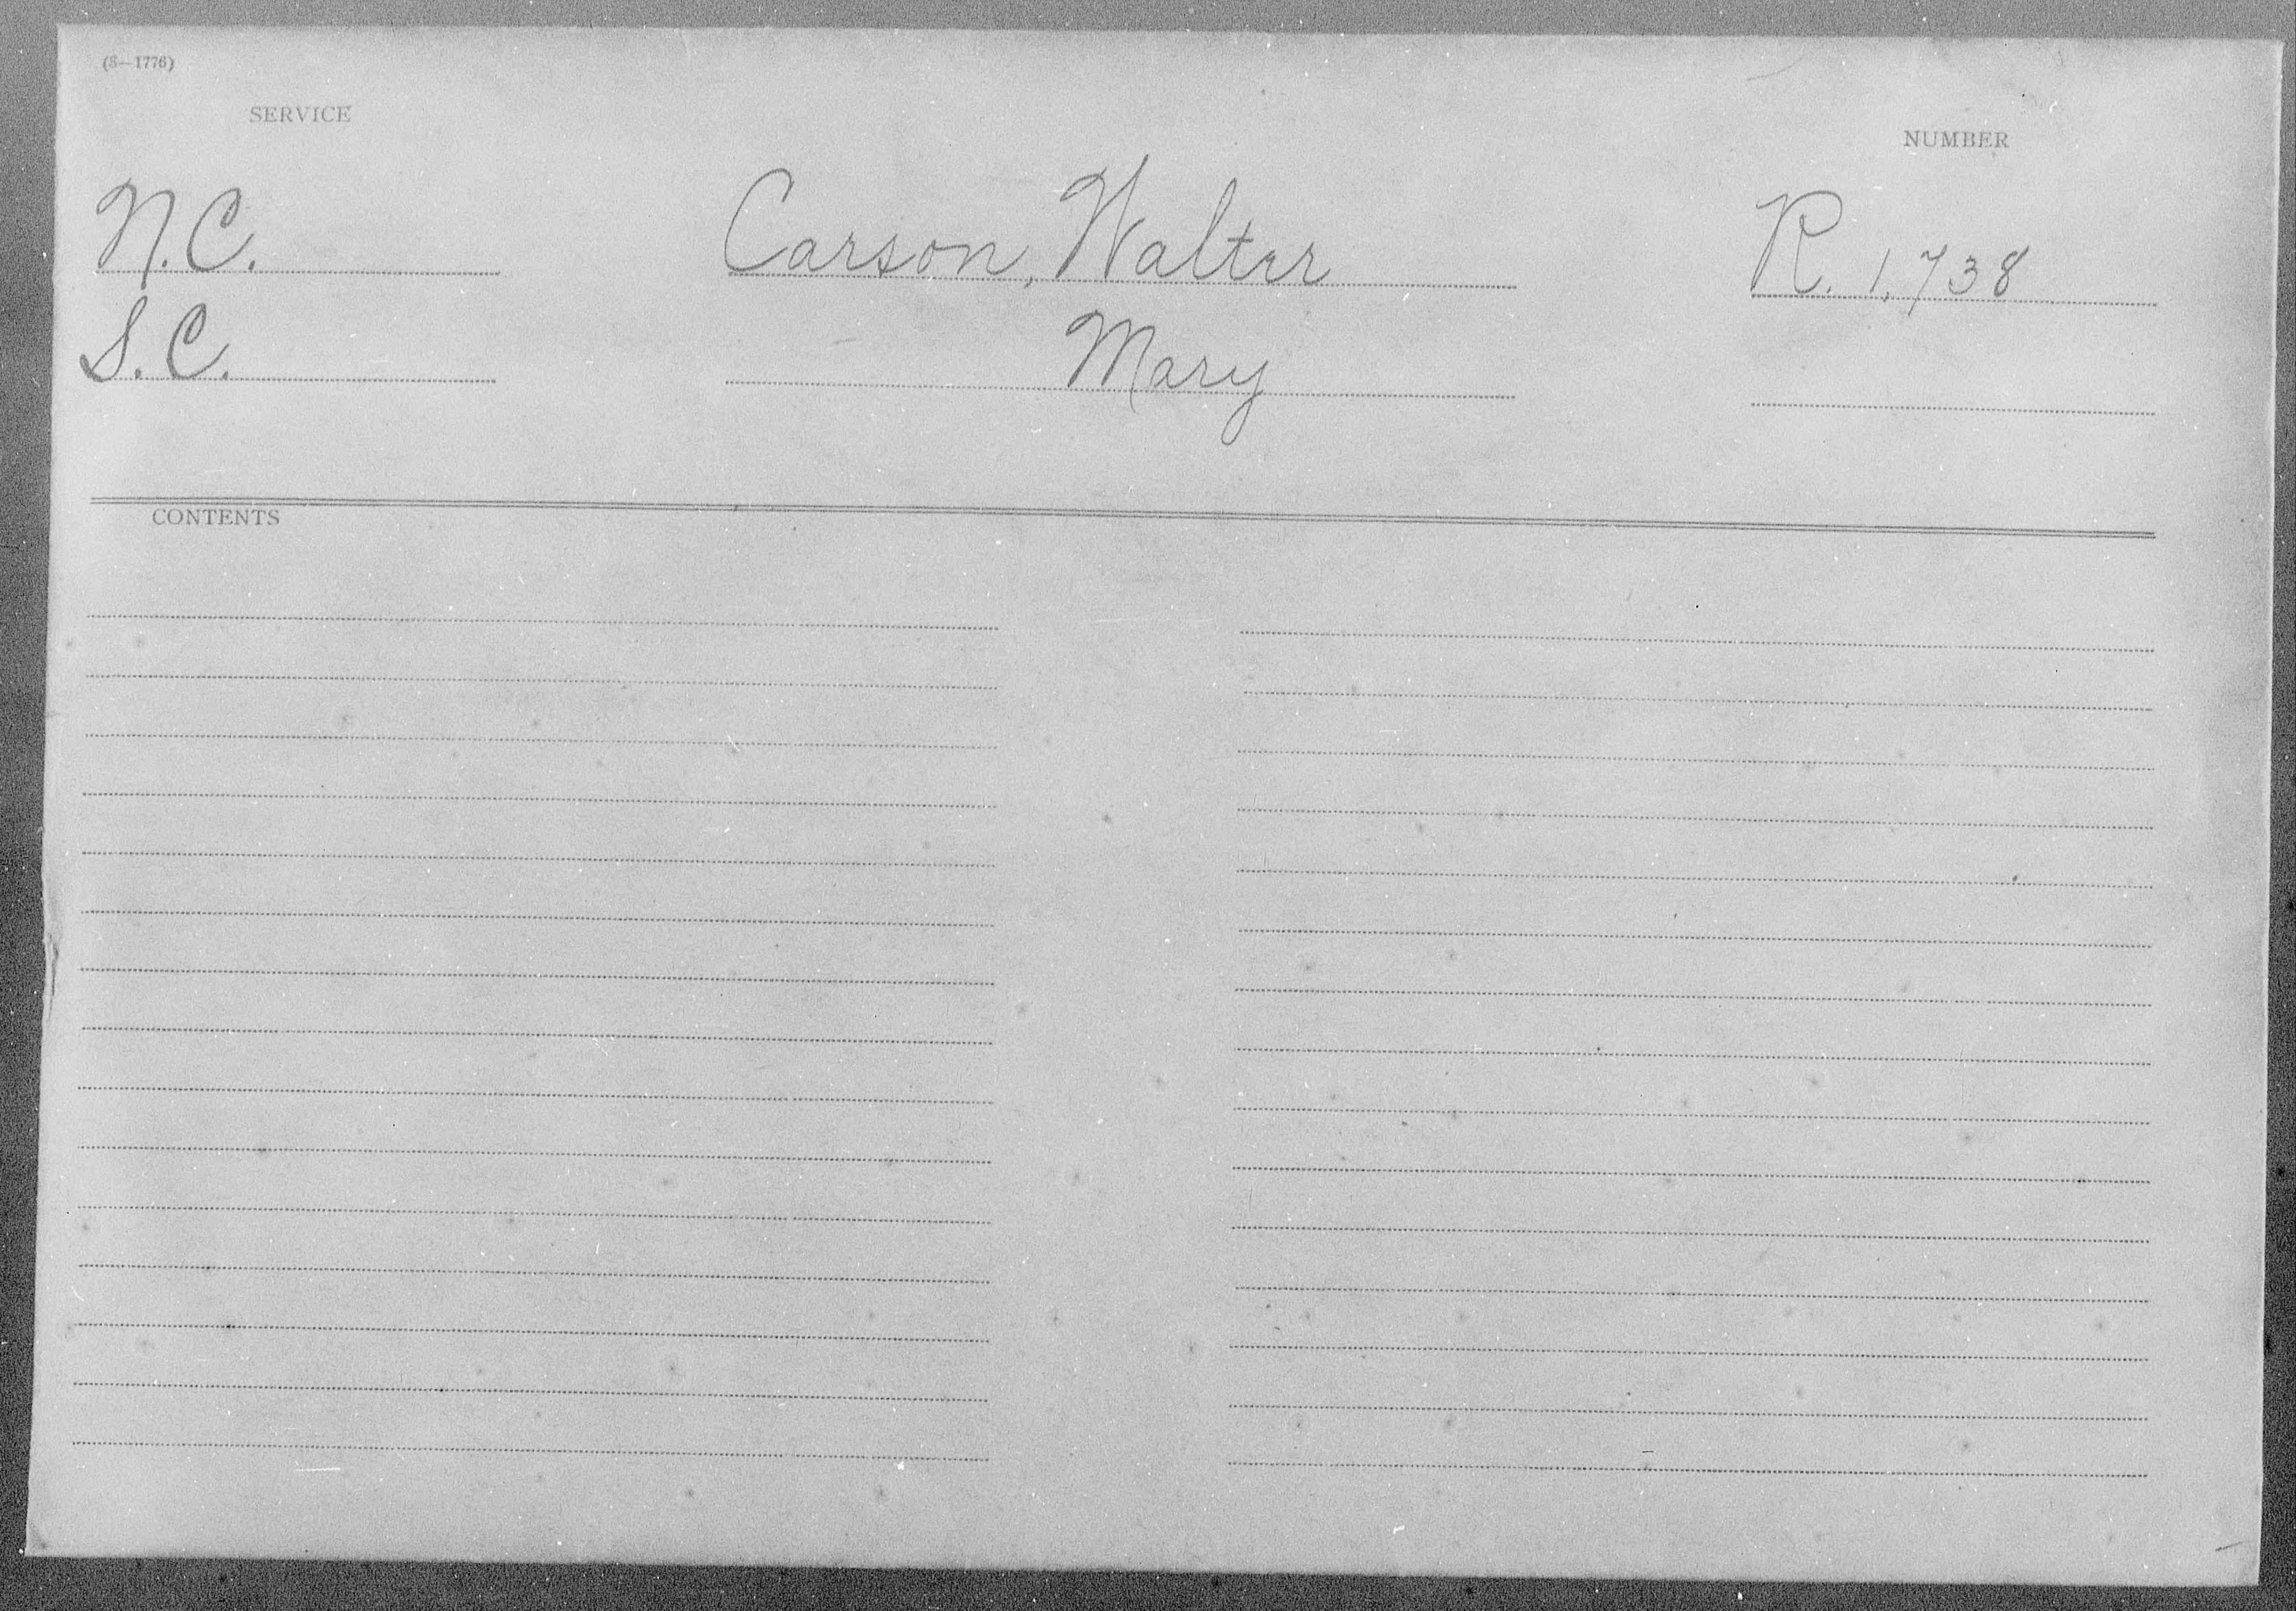SERVICE
N.C. 
S.C. 
Carson, Walter
Mary
NUMBER
R. 1,738
CONTENTS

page: 1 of 34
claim: rejected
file: R. 1,738, Walter Carson, N.C. S.C.